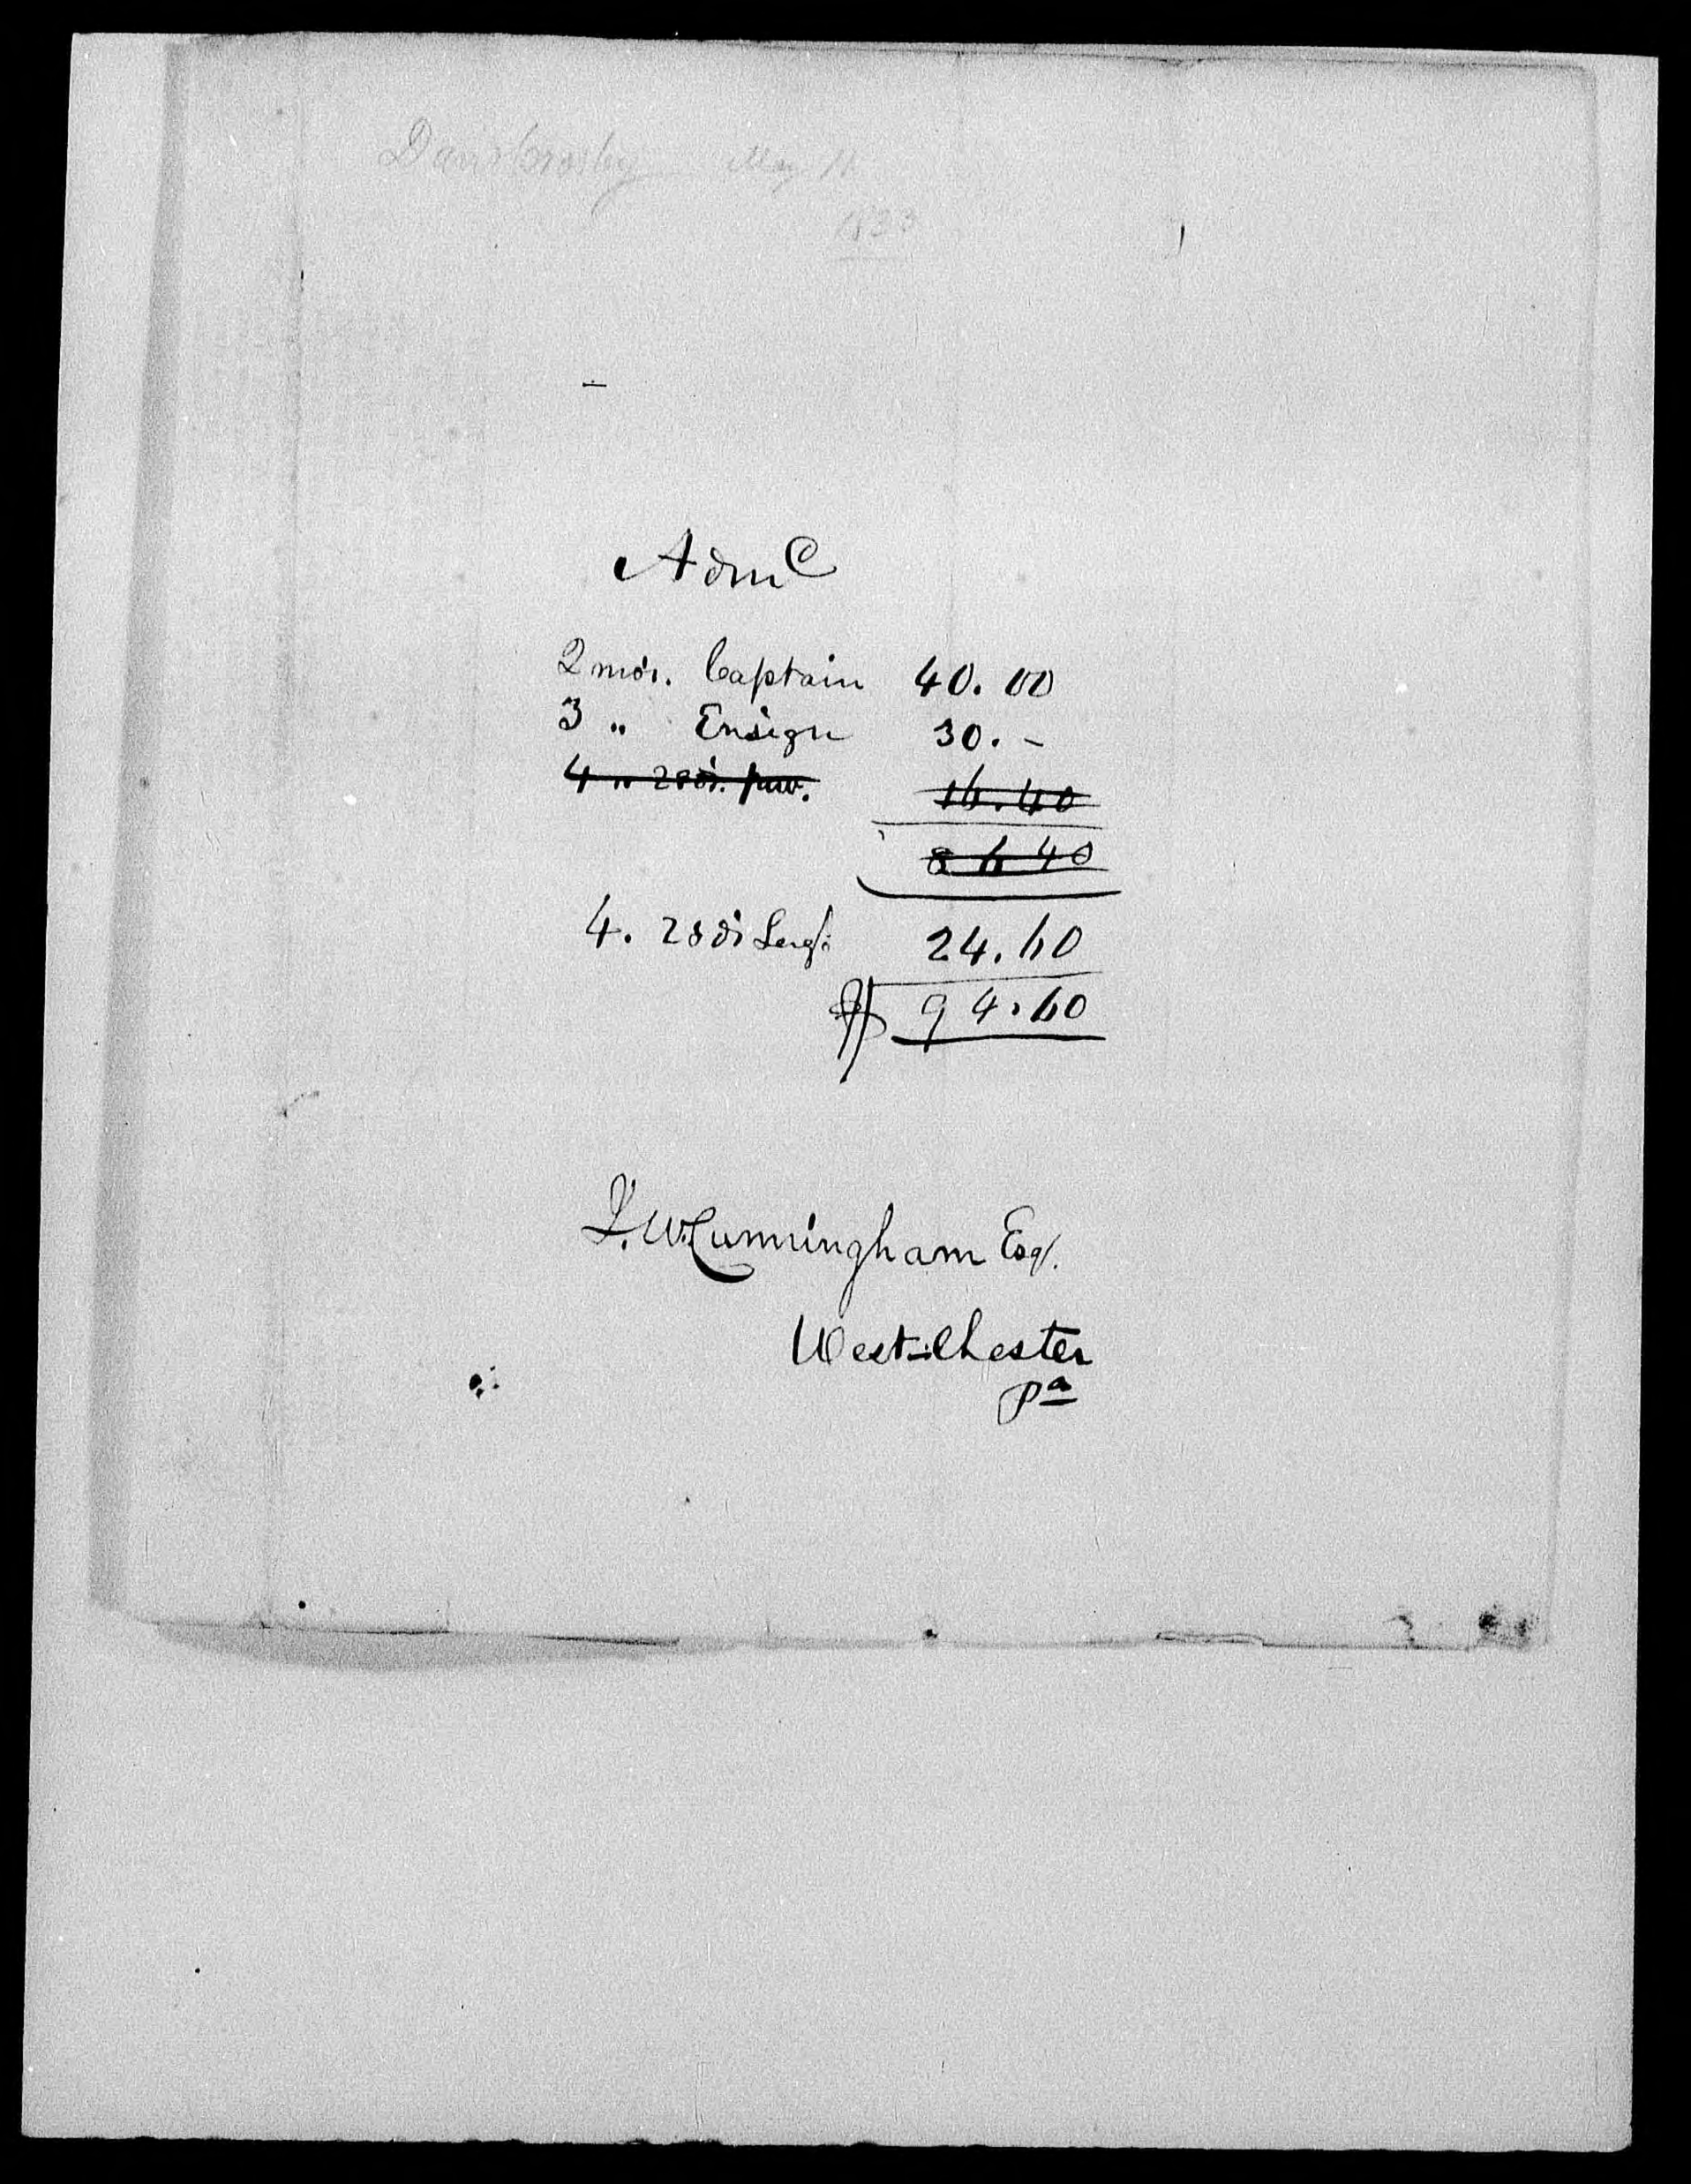Adm
2 mon. Captain 40.00
3 mon. Ensign  30.00
4. {unreadable] 24.60
                         ______
                        $ 94.60
J. W. Cunningham Esq
Westchester
Pa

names: J W Cunningham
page: 14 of 19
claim: survivor's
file: S. 12626, David Crosby, Penn.